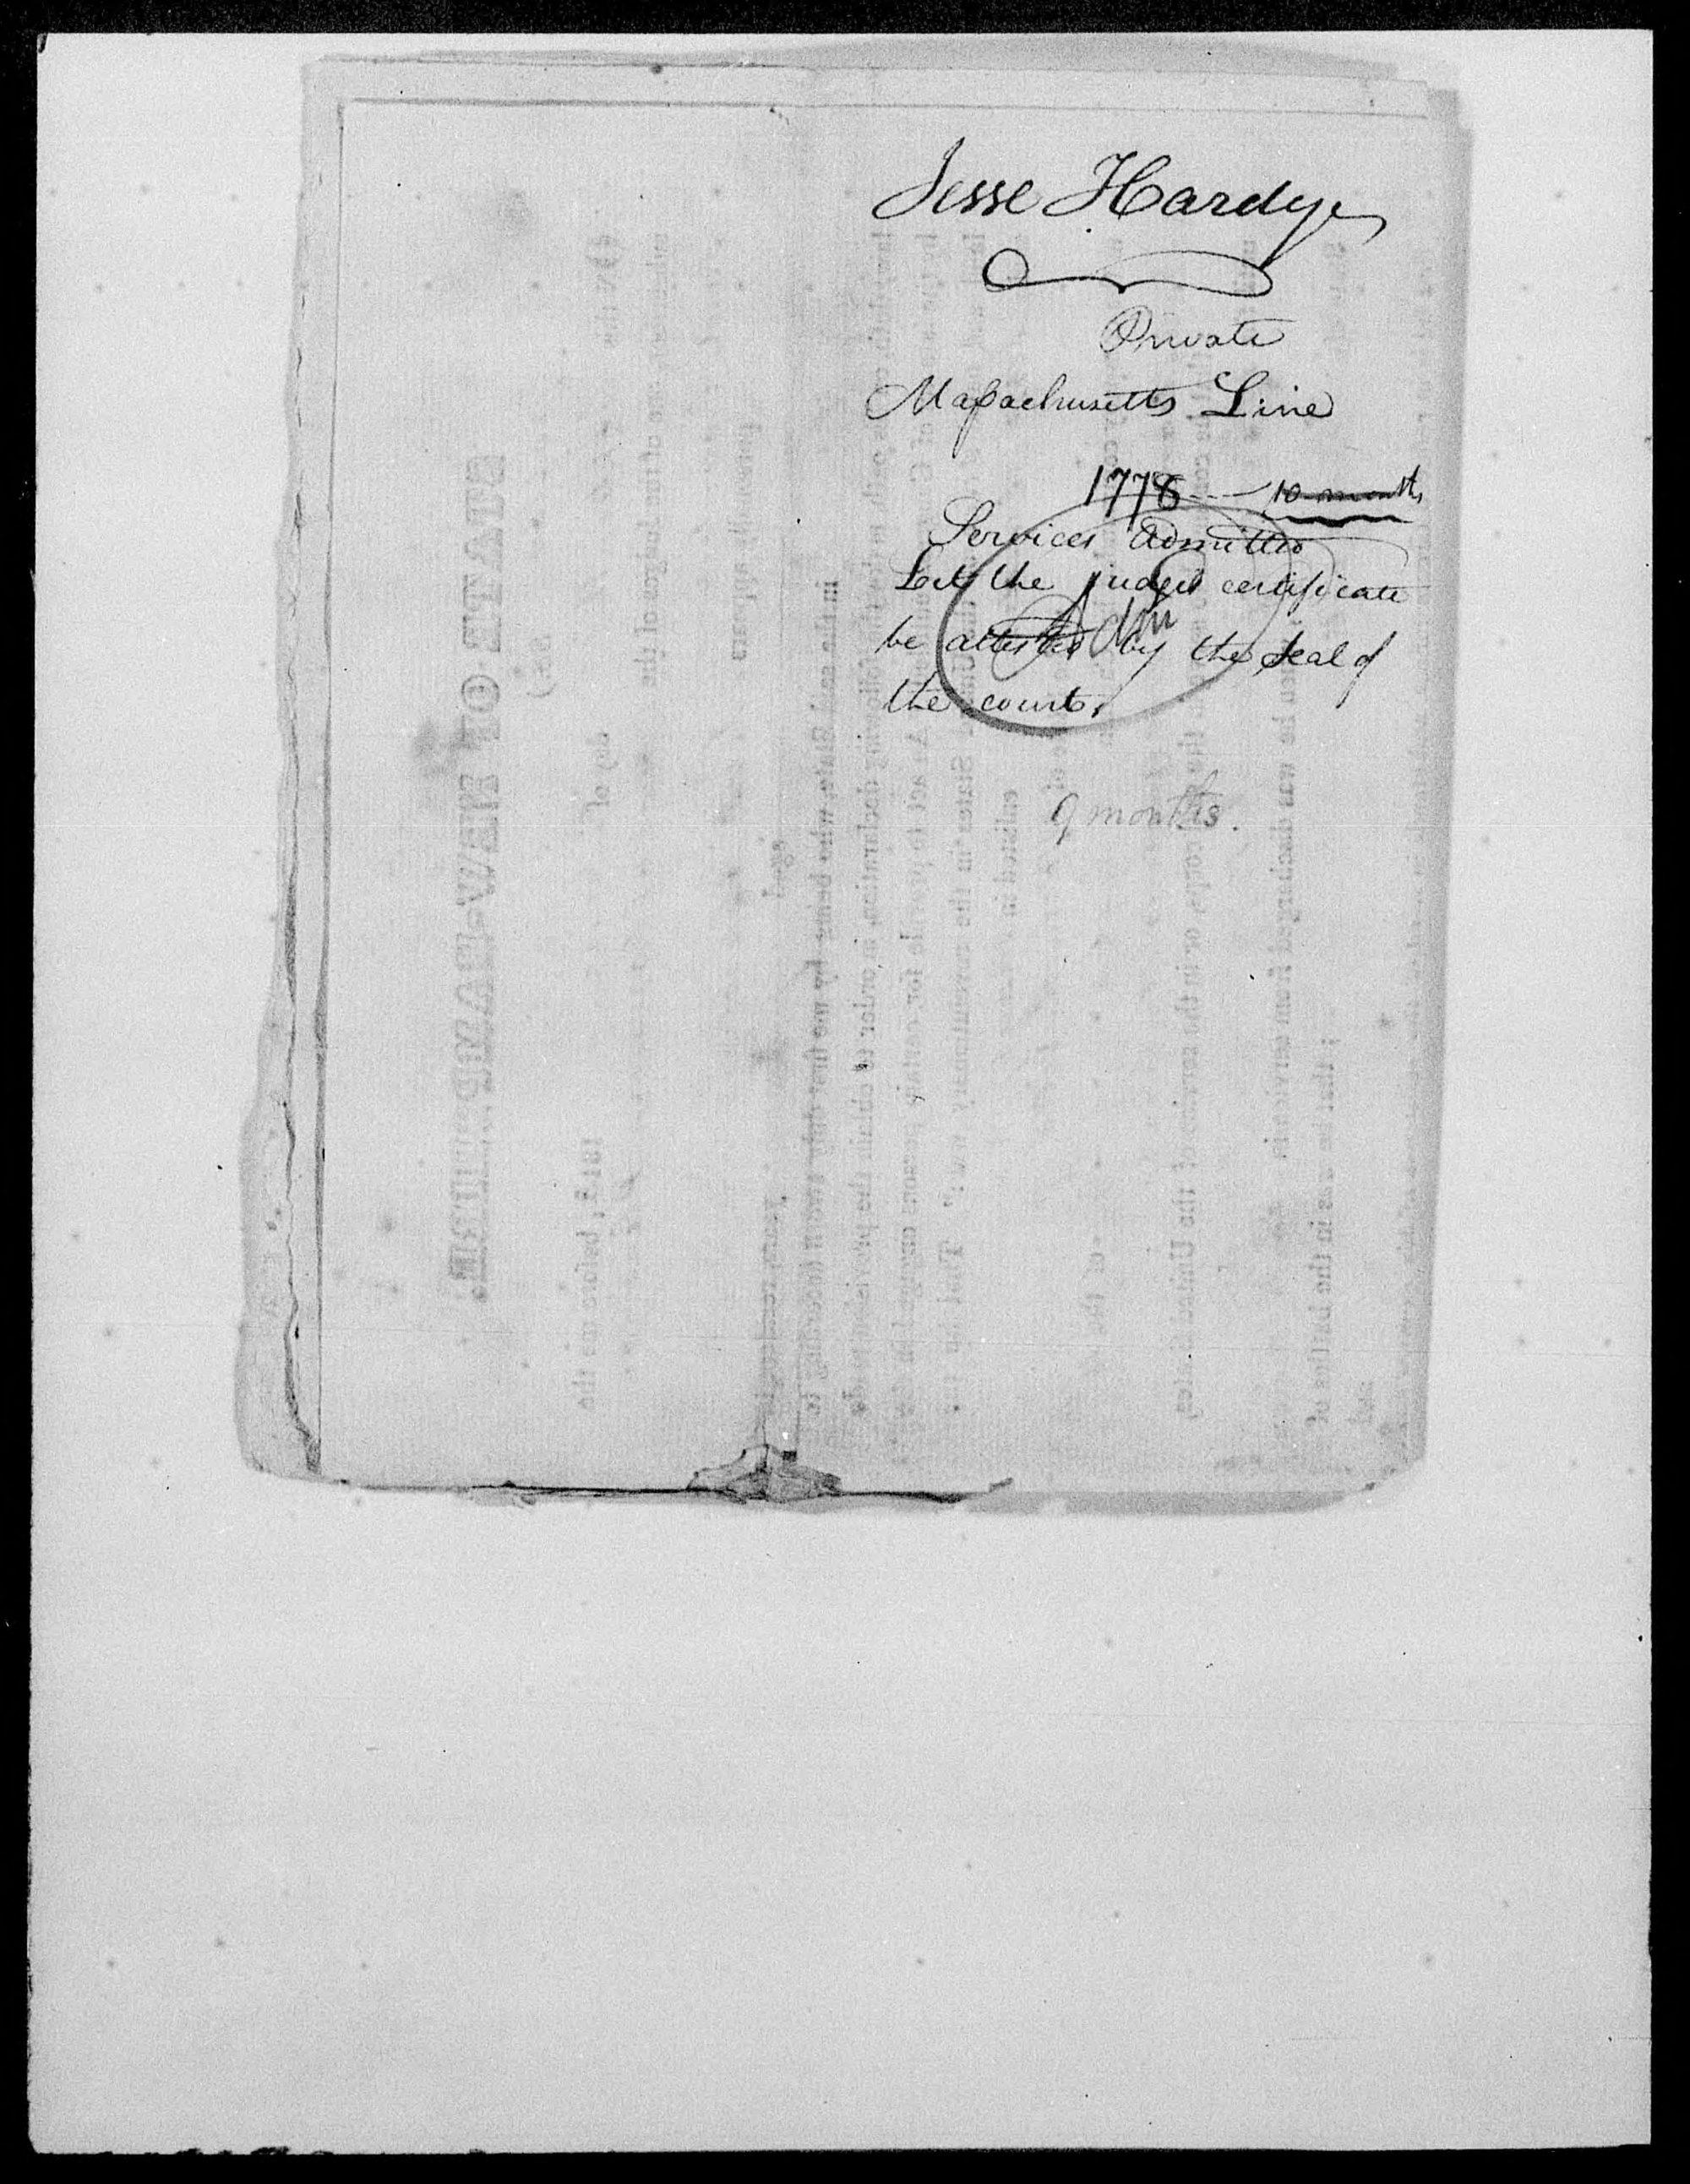Jesse Hardy
Private
Massachusetts Line
1778
Services ***
** the judge certificate
be altered by this deal of the courts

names: Jesse Hardye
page: 4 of 67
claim: widow's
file: W. 23183, Jesse Hardy, Mass.